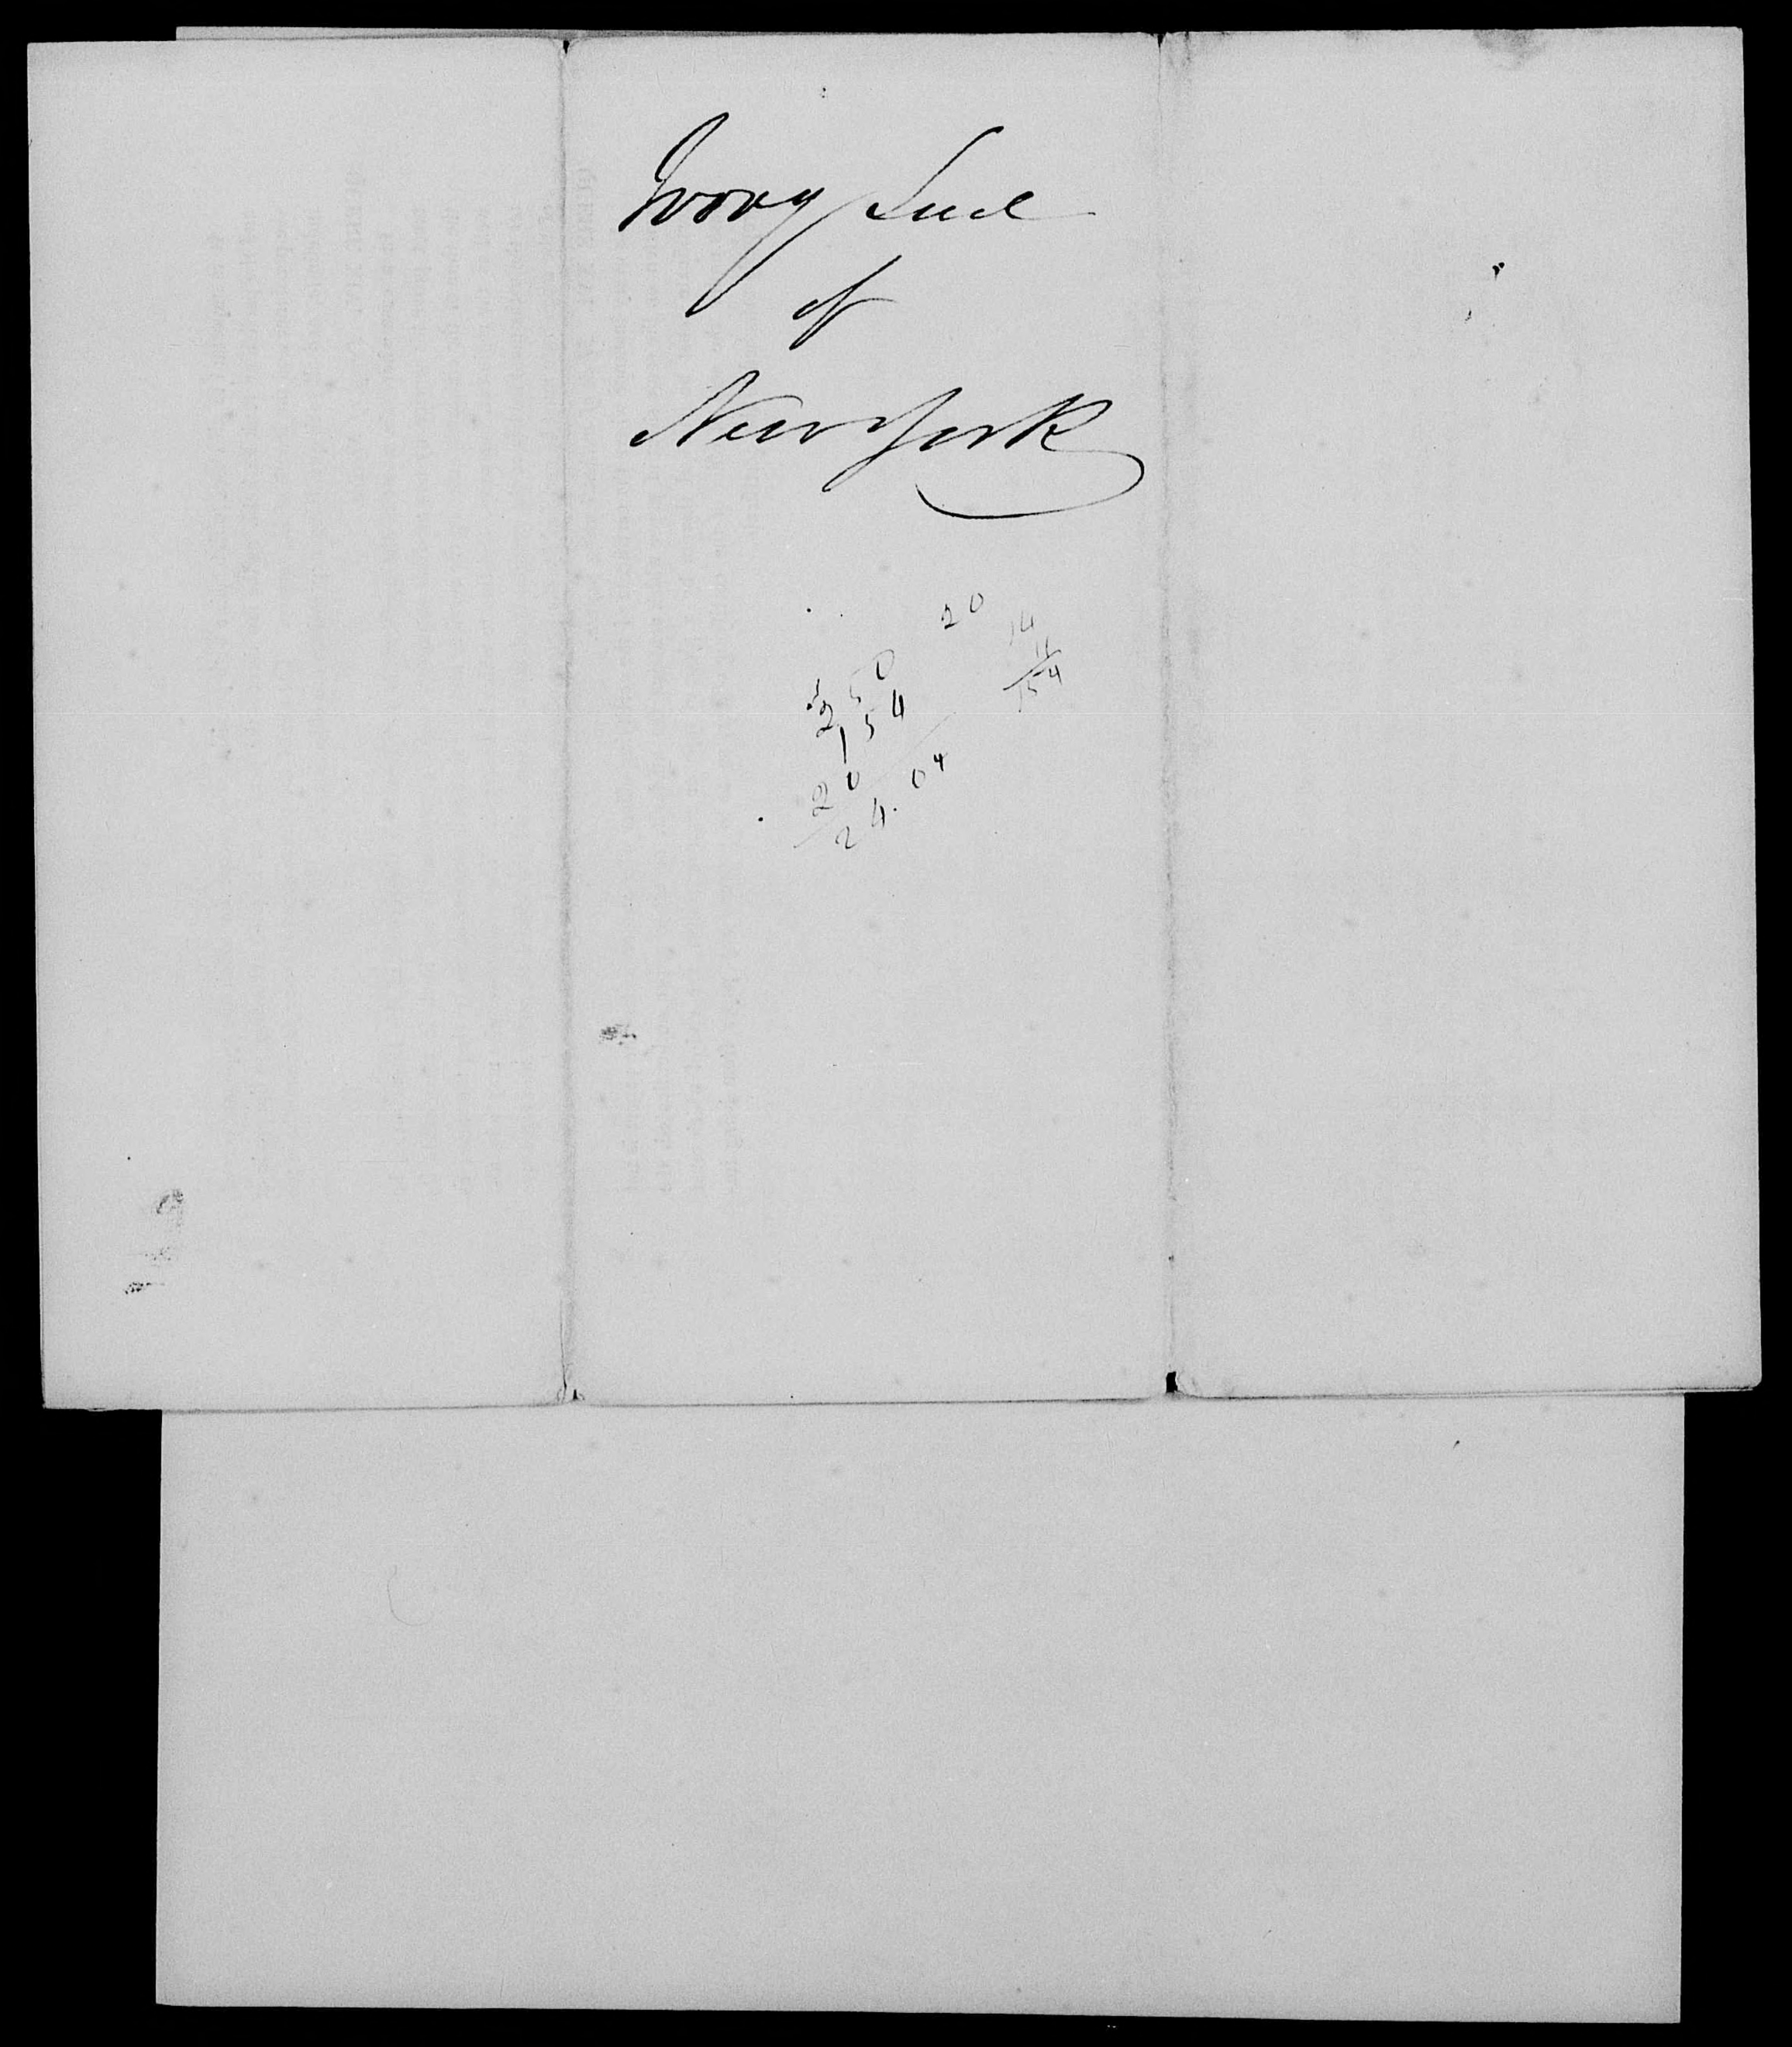Ivory Luce
of 
New York

[figures written]

  350
  154
20
______
24.04

20
  14
  16
_____
154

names: Ivory Luce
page: 58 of 70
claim: rejected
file: R. 6510, for Israel Luce, New York